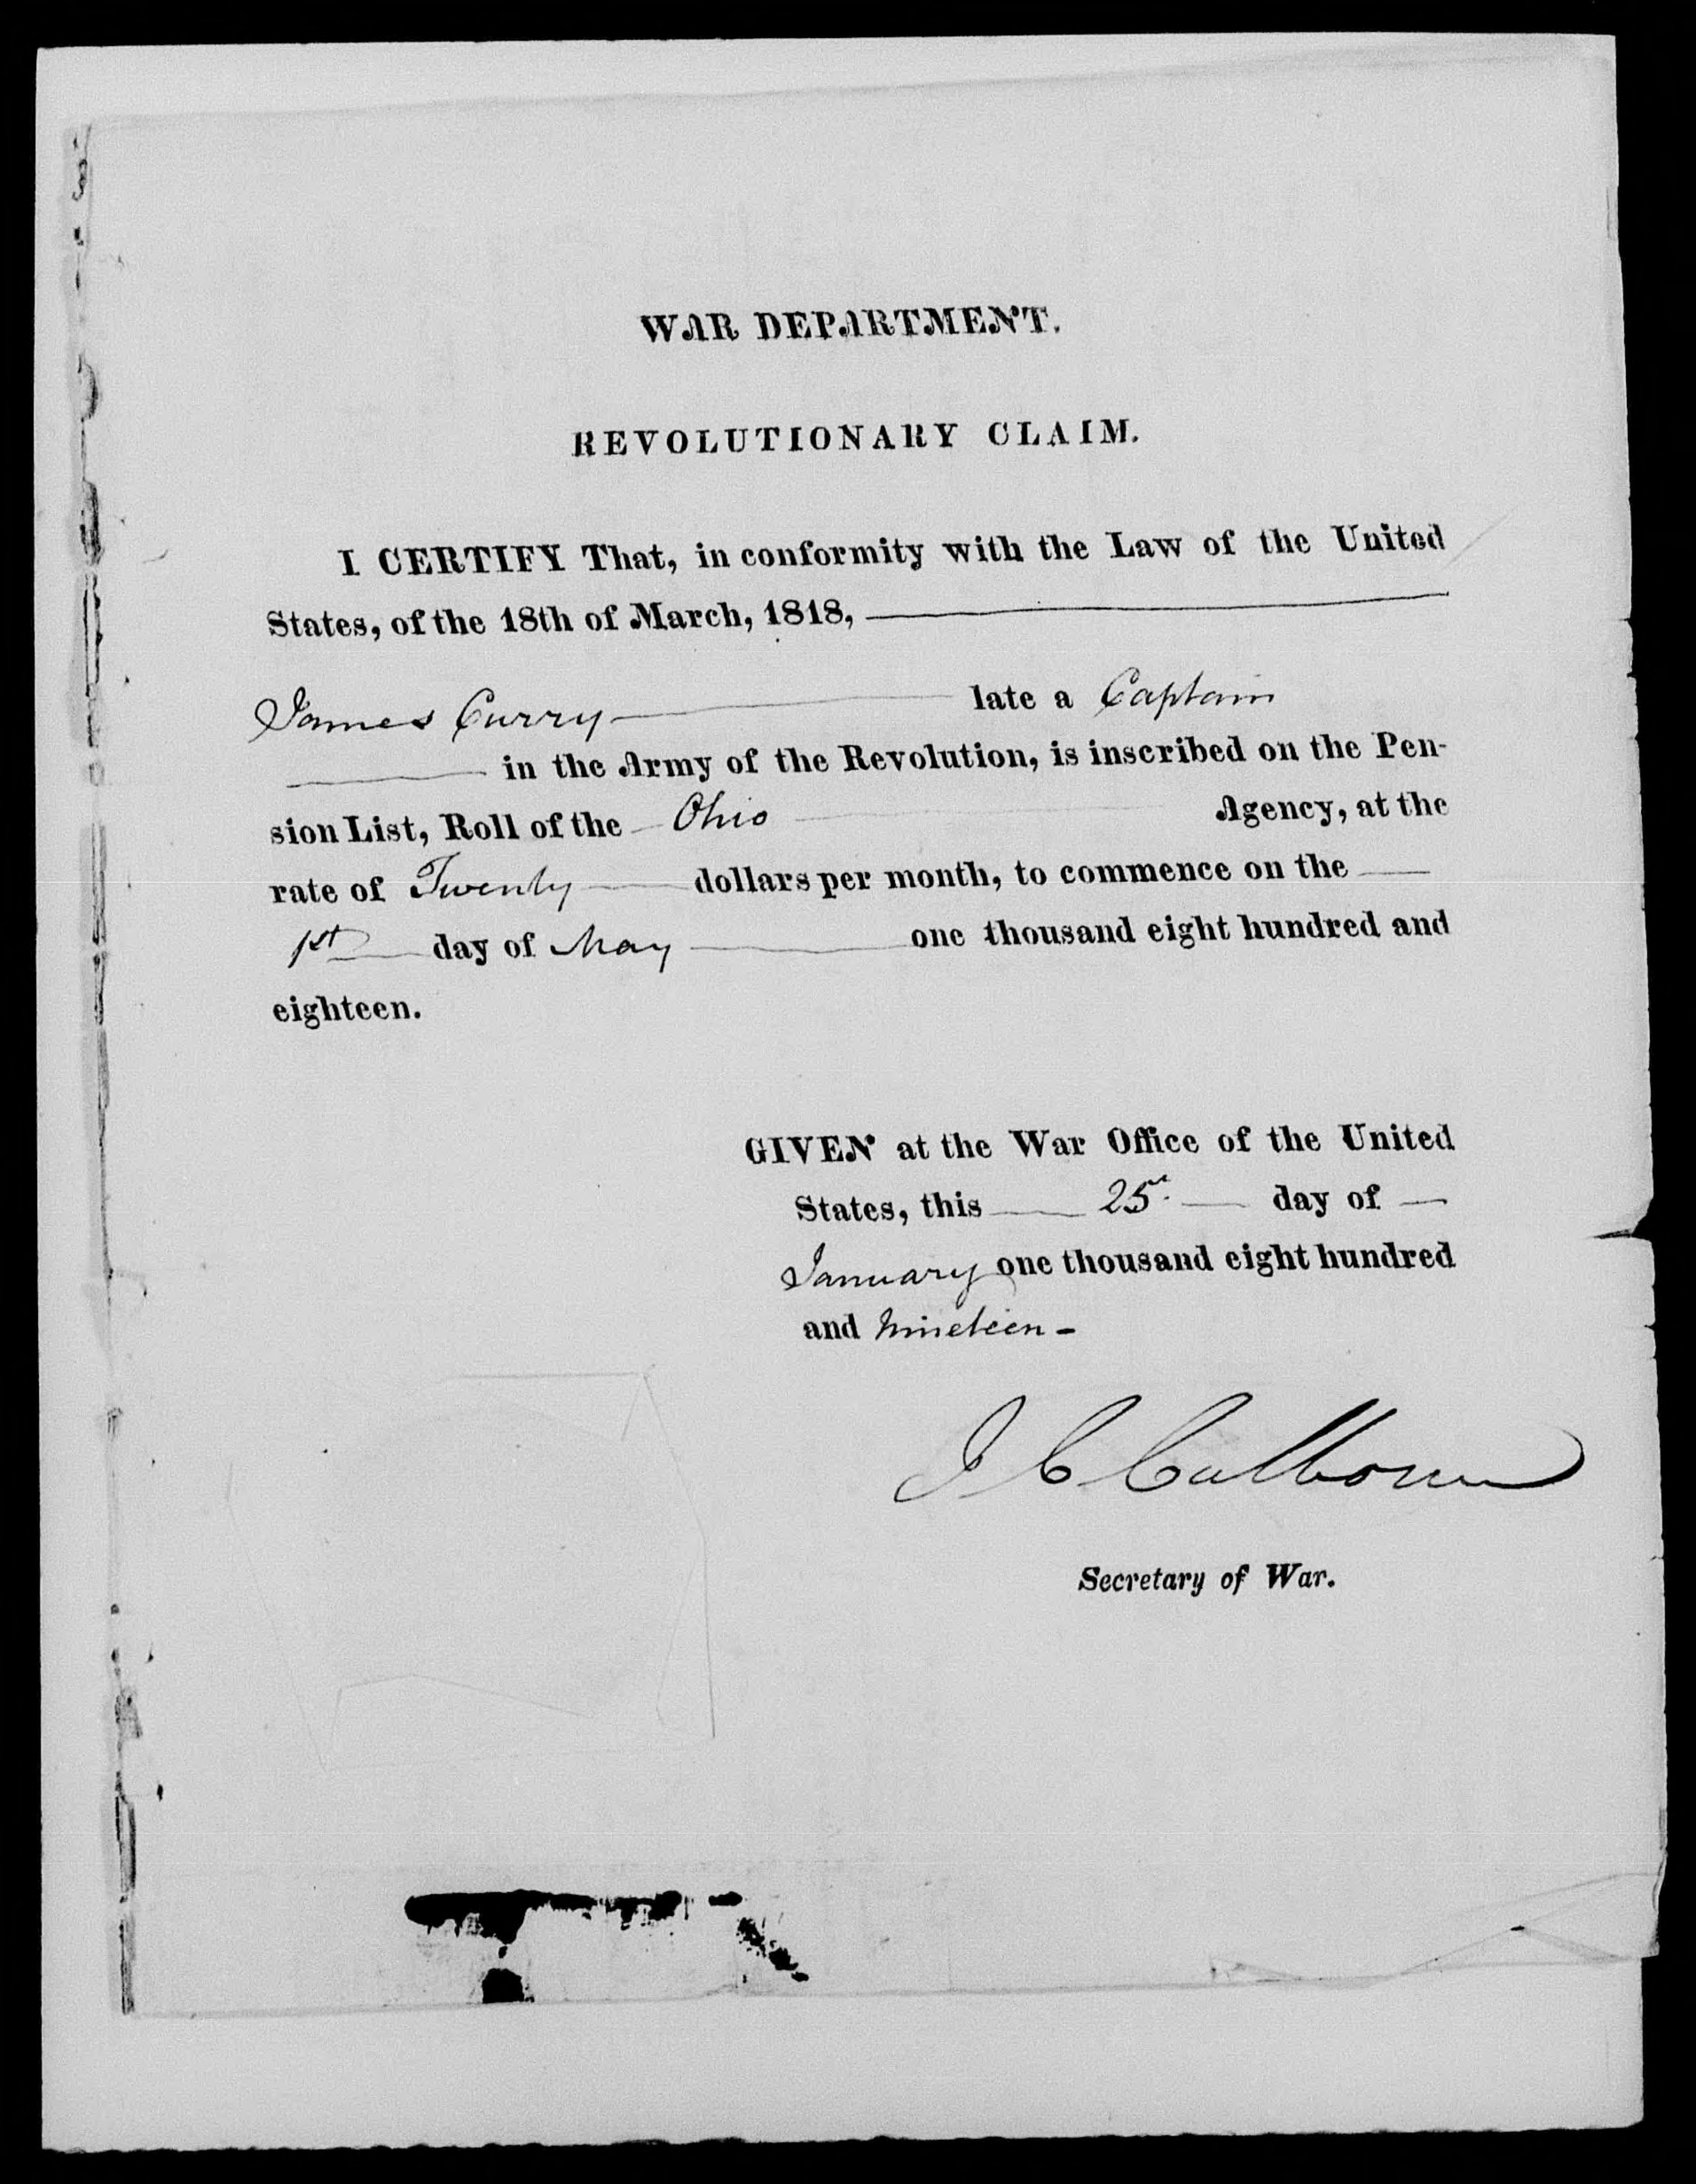WAR DEPARTMENT
REVOLUTIONARY CLAIM
I CERTIFY That, in conformity with the Law of the United
State, of the 18th of March, 1818, 
James Curry late a Captain
in the Army of the Revolution, is inscribed on the Pension
List, Roll of the Ohio Agency, at the
rate of Twenty dollars per month, to commence on the
1st day of May one thousand eight hundred and eighteen.

GIVEN at the War Office of the United
States, this 25 day of 
January one thousand eight hundred
and nineteen.
J C Calhoun
Secretary of War.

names: J C Calhoun, James Curry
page: 18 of 32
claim: survivor's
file: S. 44230, James Curry, Va.